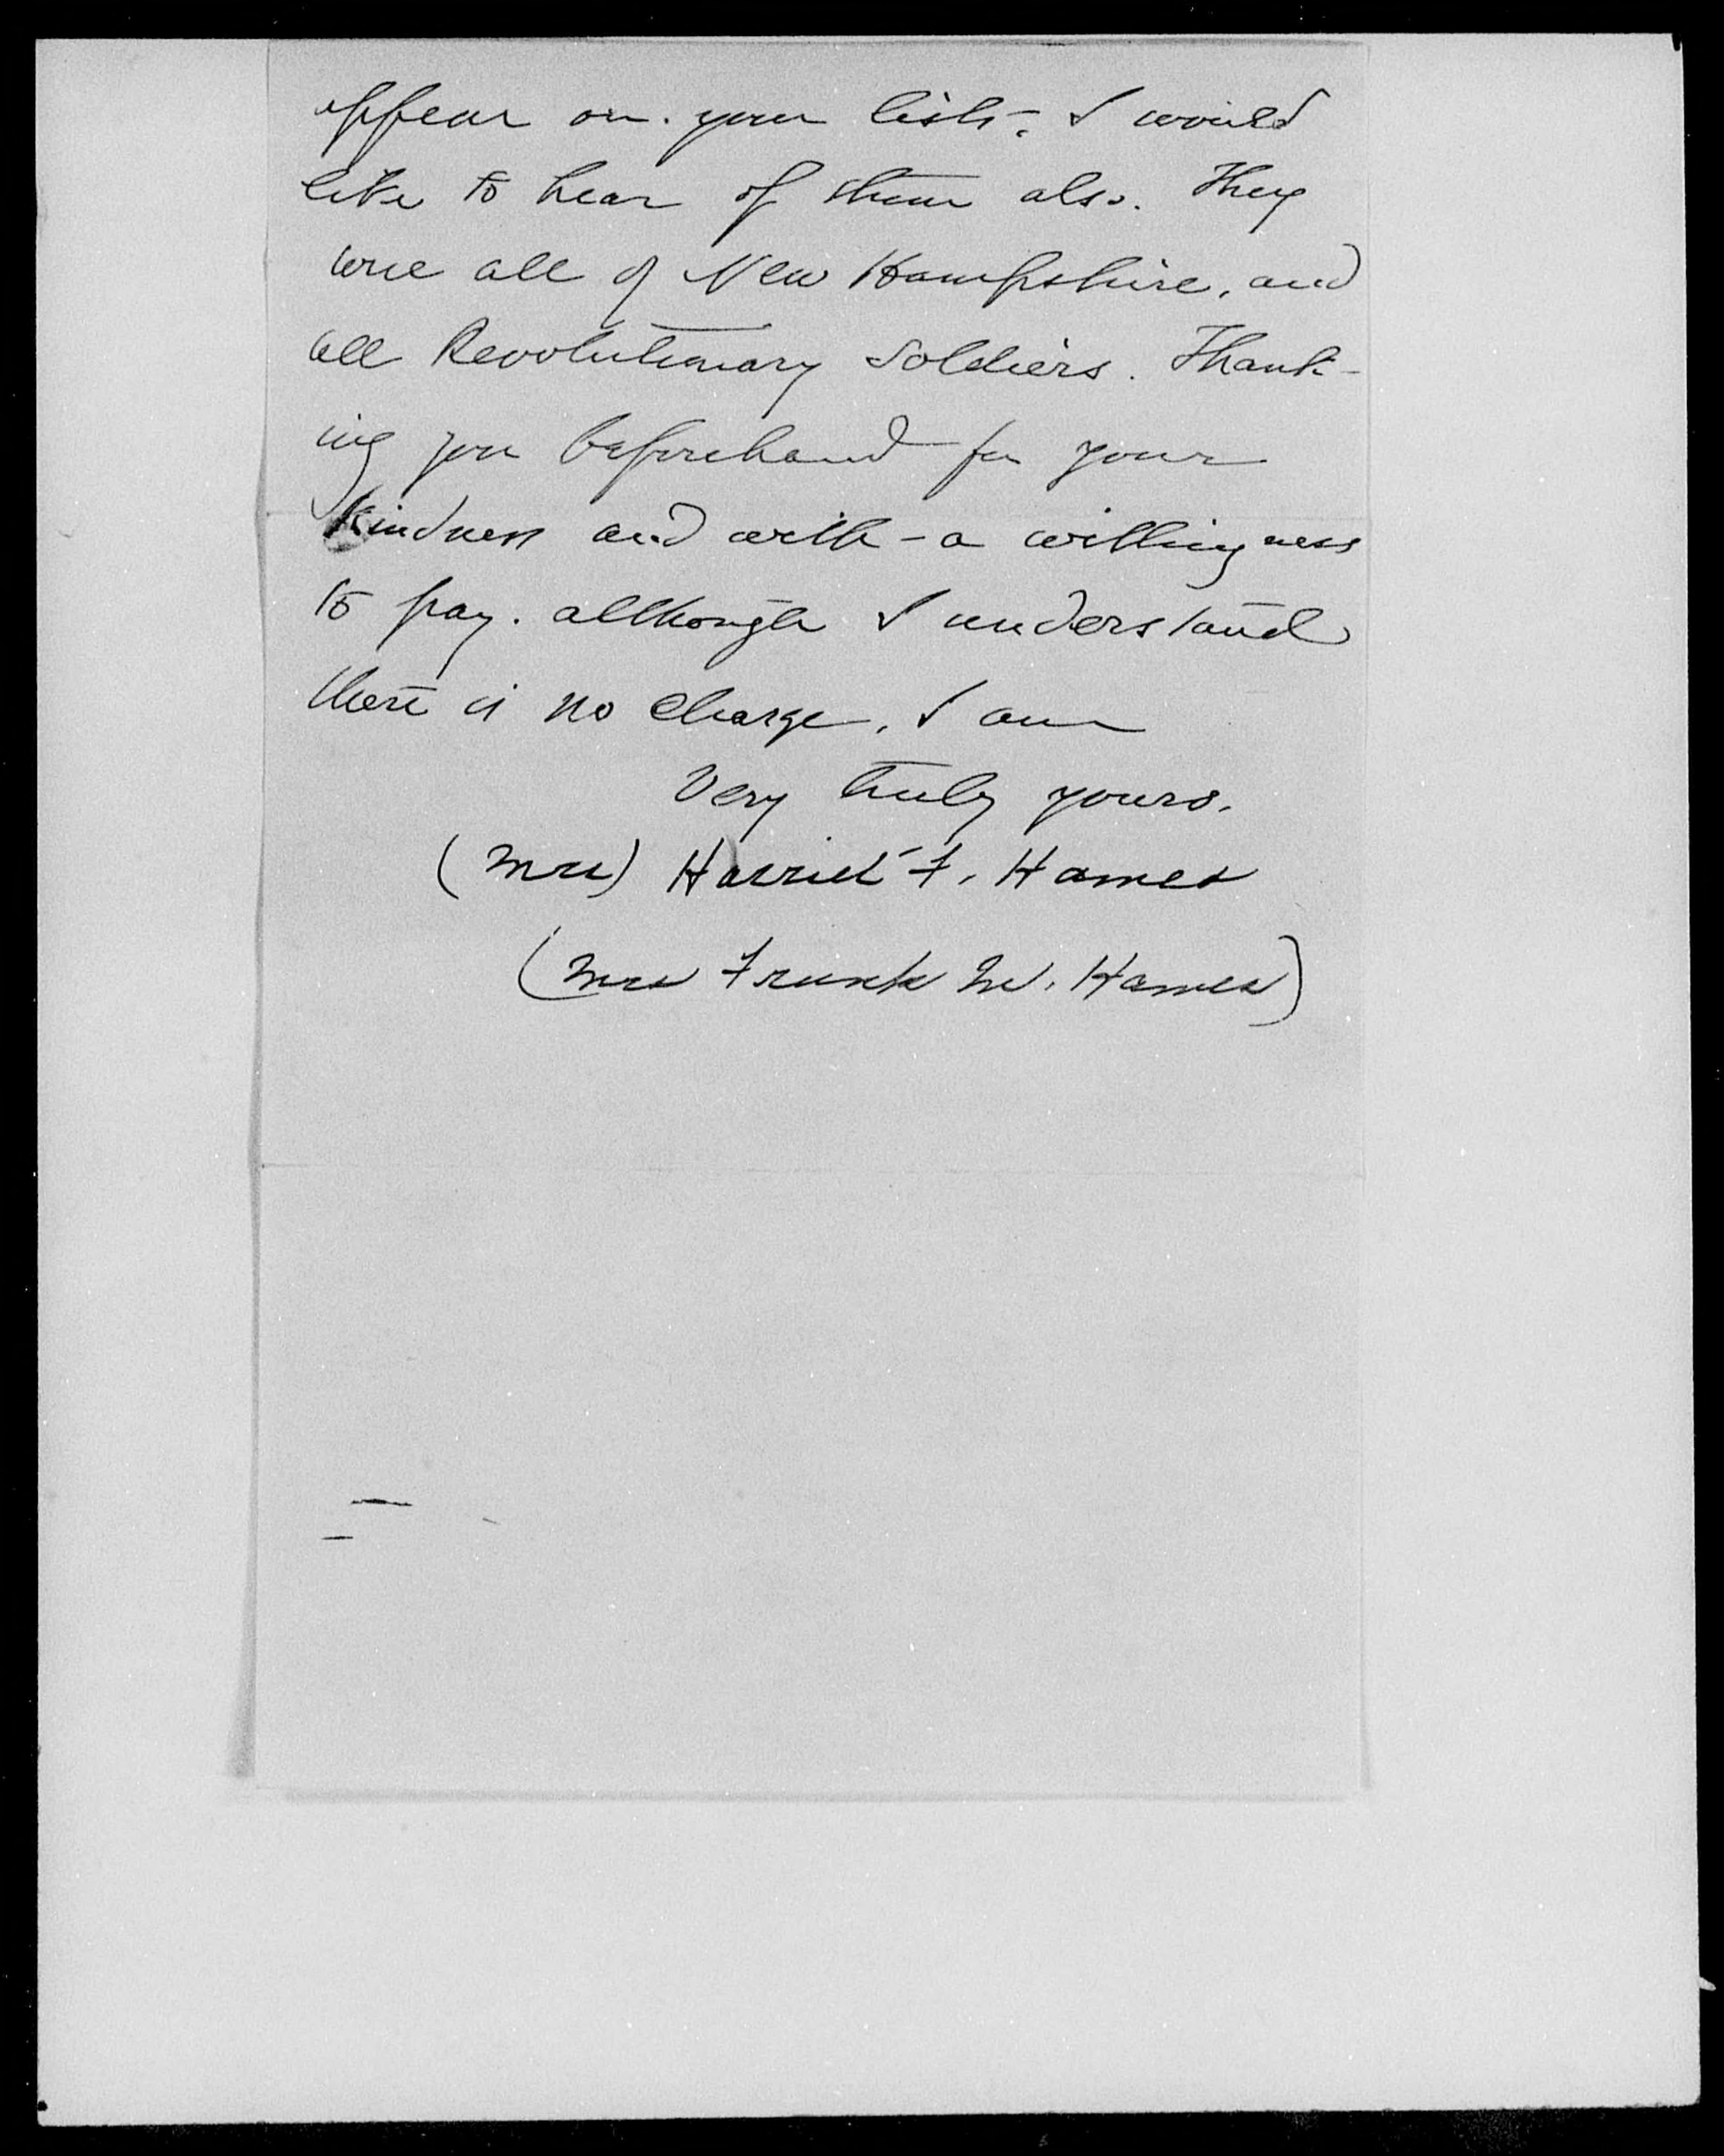[page 2]

appear on your lists. - I would like to hear of them also. They were all of New Hampshire, and all Revolutionary soldiers. Thanking you beforehand for your kindness and with a willingness to pay although I understand there is no charge. I am 
Very truly yours,
(Mrs.) Harriet Hawes
(Mrs. Frank W. Hawes)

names: Frank M Hawes, Harriet F Hawes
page: 60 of 61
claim: widow's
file: W. 19500, Samuel Thing Gilman, Continental N.H.